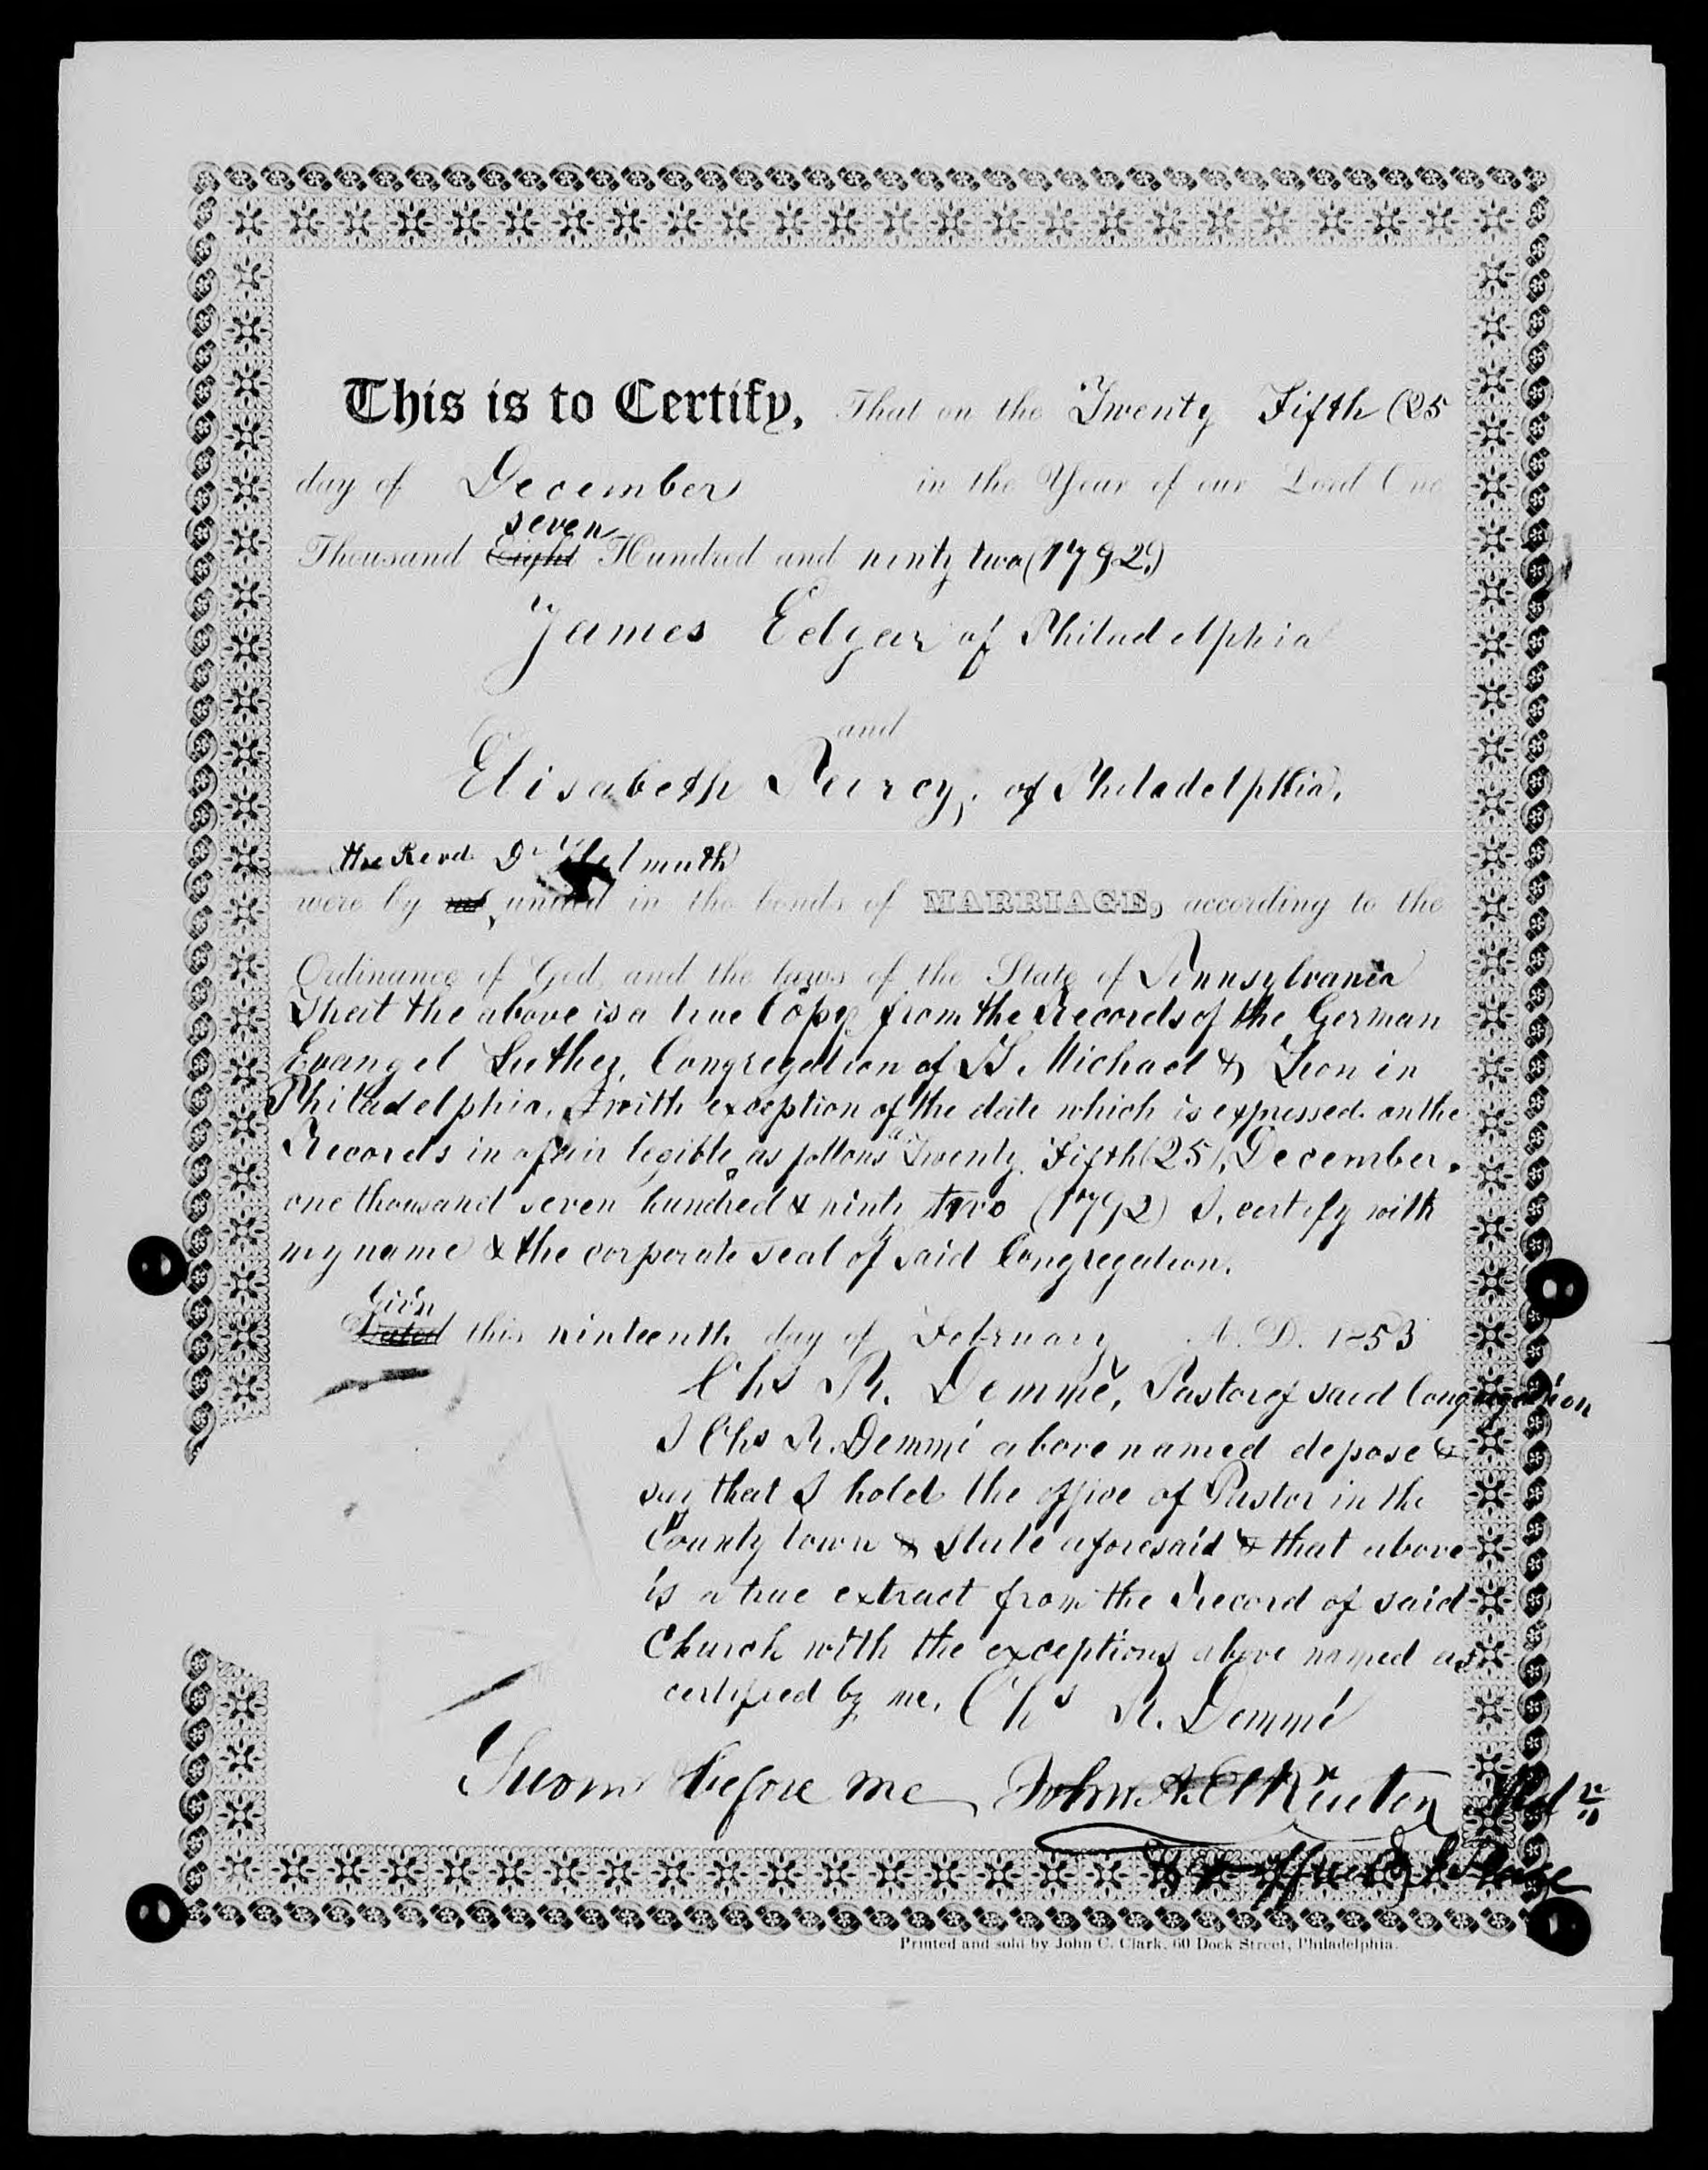This is to Certify, That on the Twenty fifth (25
day of December
in the year of our Lord One
Thousand Seven Hundred and ninty two (1792)
James Edgar of Philadelphia
and
Elizabeth Peircy of Philadelphia
the Revd J Helmuth
were by united in the bond of MARRIAGE, according to the
Ordinance of God, and the laws of the State of Pennsylvania
That the above is a true copy from the records of the German
Evangel Luthy, Congregation of St. Michael & Zion in
Philadelphia, I with exception of the date which is expressed on the
Records in fair legible as follows "Twenty fifth (25) December,
one thousand seven hundred & ninty two (1792) I certify with
my name & the corporate seal of said Congregation.
Giv'n this nineteenth day of February
A.D. 1853

Chs R. Demme, Pastor of said congregation.
I Chs R. Demme above named depose &
say that I hold the office of Paster in the
County town & state aforesaid & that above
is a true extract from the Record of said
Church with the exceptions above named as
certified by me, Ch R. Demme
Sworn before me John A. Elkinton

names: John A Elkinton, James Edgar, Chs R Demme, Leon, Chs R Demme, Michael, Chs R Demme, Elisabeth Peircy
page: 20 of 74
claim: widow's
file: W. 9422, James Edgar, Penn.